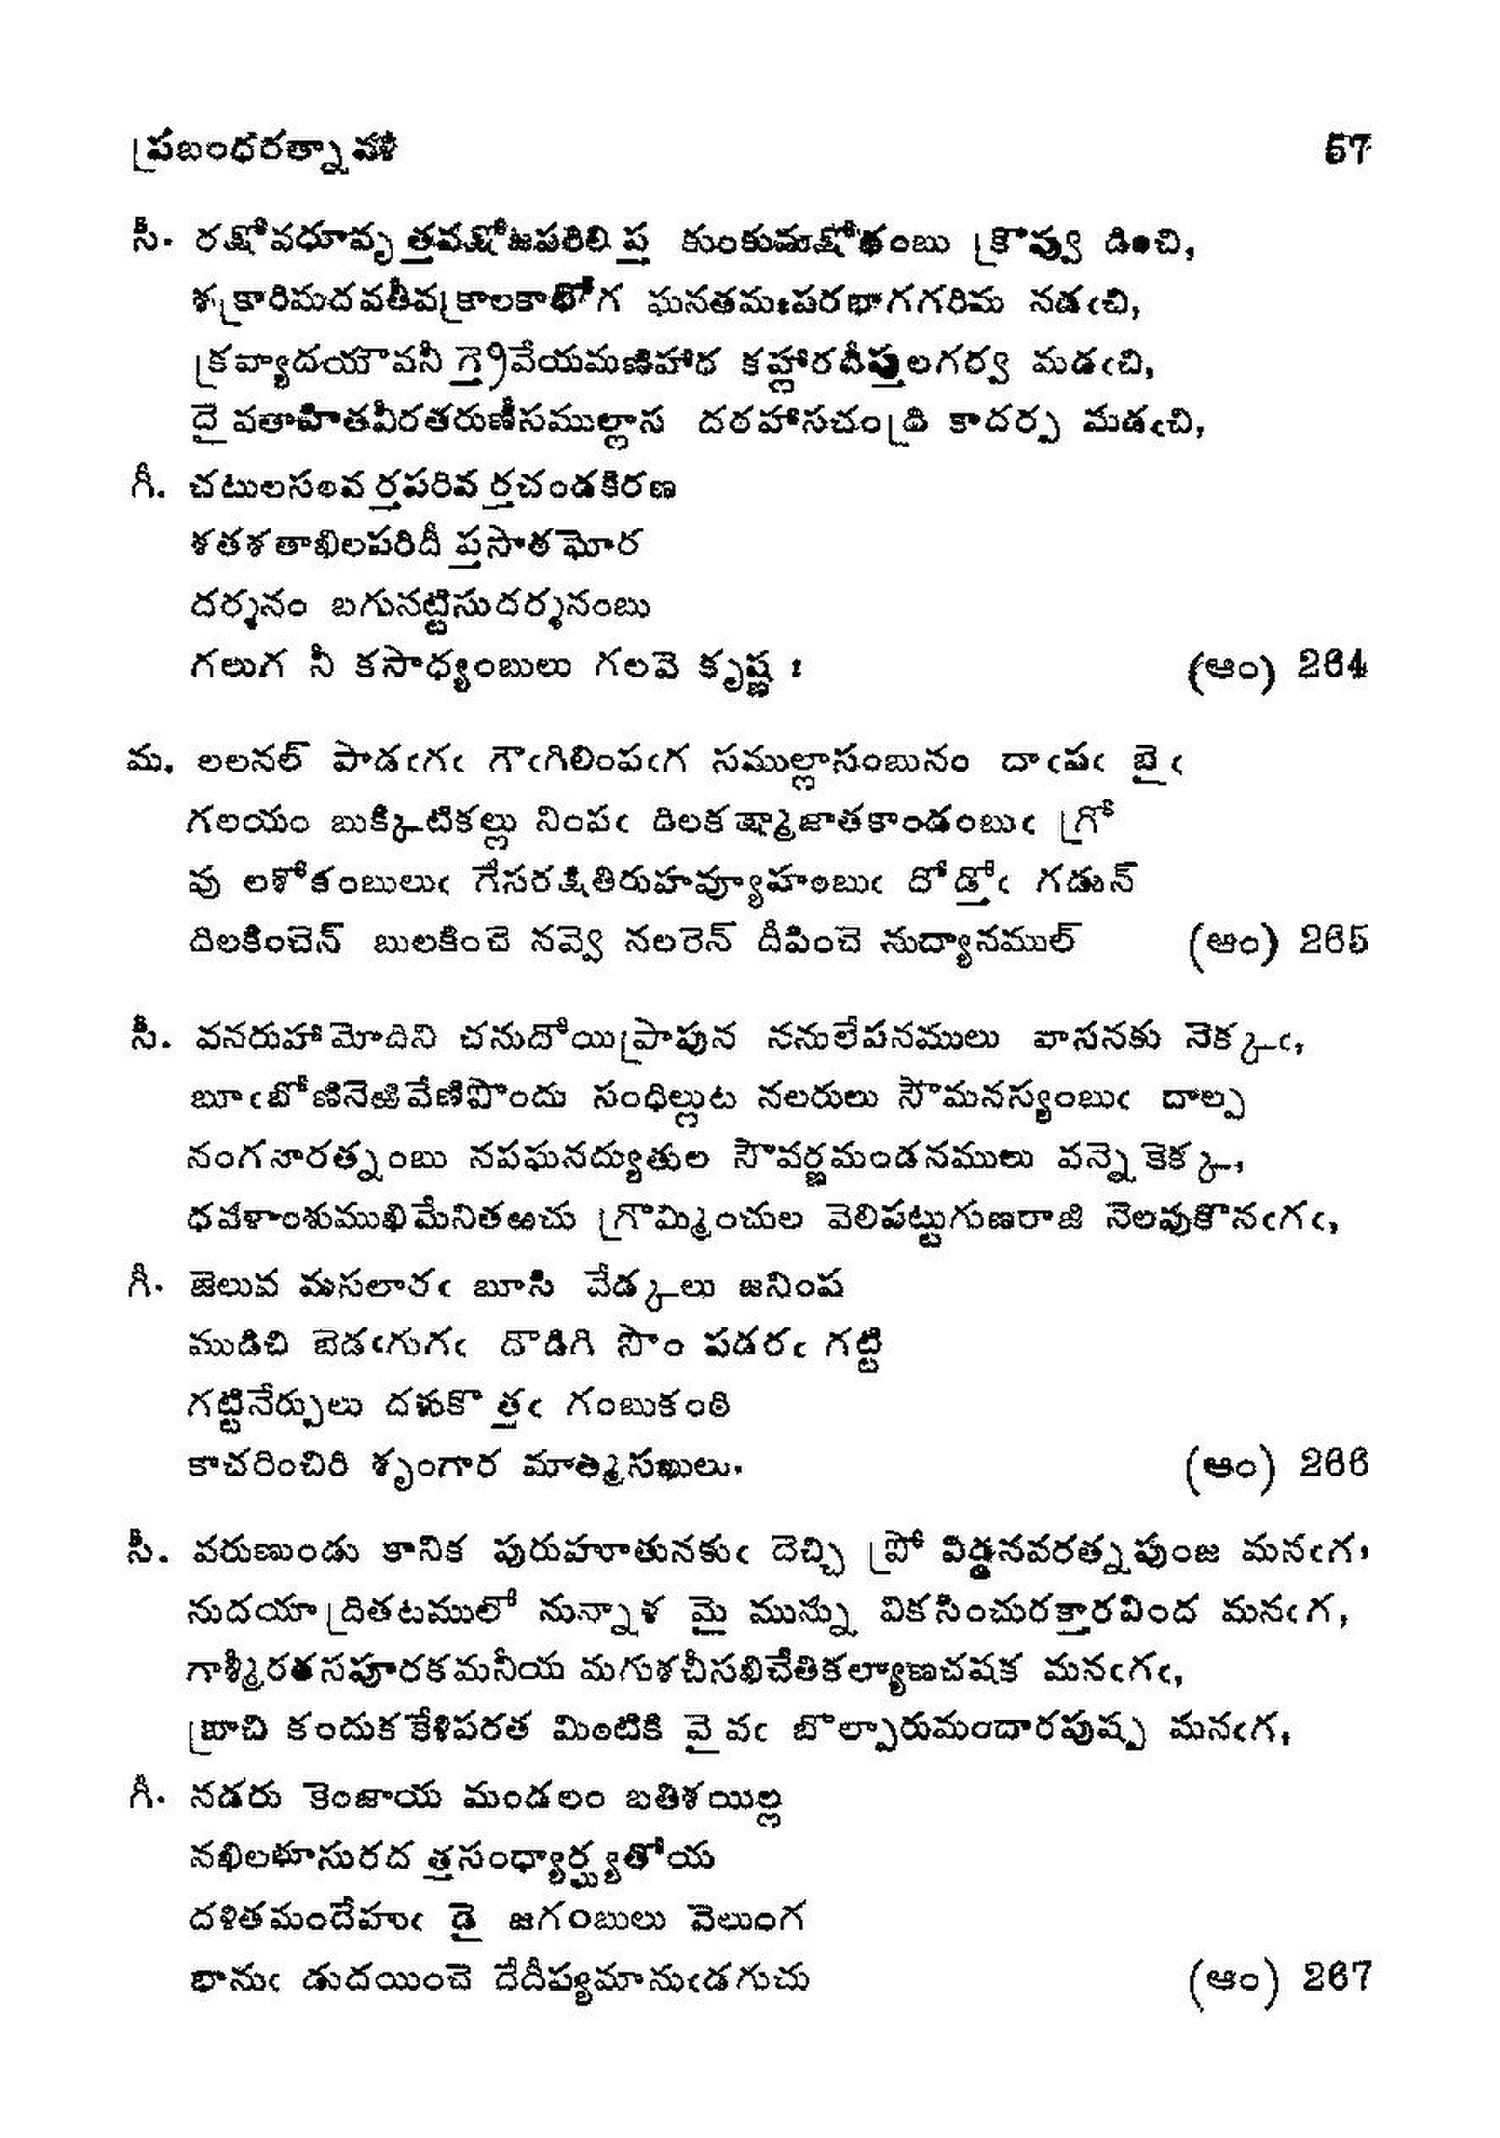సీ. రక్షోవధూవృత్తవక్షోజపరిలిప్తకుంకుమక్షోభంబు క్రొవ్వుడించి,
శక్రారిమదవతీవక్రాలకాభోగఘనతమఃపరభాగగరిమ నడఁచి,
క్రవ్యాదయౌవనీగ్రైవేయమణిహారకహ్లారదీప్తులగర్వ మడఁచి,
దైవతాహితవీరతరుణీసముల్లాసదరహాసచంద్రికాదర్ప మడఁచి,
గీ. చటులసంవర్తపరివర్తచండకిరణ
శతశతాఖిలపరిదీప్తసారఘోర
దర్శనం బగునట్టి సుదర్శనంబు
గలుగ నీ కసాధ్యంబులు గలవె కృష్ణ! (ఆం) 264

మ. లలనల్ పాడఁగఁ గౌఁగిలింపఁగ సముల్లాసంబునం దాఁపఁ బైఁ
గలయం బుక్కిటికల్లు నింపఁ దిలకక్ష్మాజాతకాండంబుఁ గ్రో
వు లశోకంబులుఁ గేసర క్షితిరుహవ్యూహంబుఁ దోడ్తోఁ గడున్
దిలకించెన్ బులకించె నవ్వె నలరెన్ దీపించె నుద్యానముల్. (ఆం) 265

సీ. వనరుహామోదిని చనుదోయిప్రాపున ననులేపనములు వాసనకుఁ నెక్కఁ,
బూఁబోణి నెఱివేణిపొందు సంధిల్లుట నలరులు సౌమనస్యంబుఁ దాల్ప,
నంగనారత్నంబు నపఘనద్యుతుల సౌ వర్ణమండనములు వన్నె కెక్క,
ధవళాంశుముఖిమేనితఱచు గ్రొమ్మించుల వెలిపట్టుగుణరాజి నెలవుకొనఁగఁ,
గీ. జెలువ మసలారఁ బూసి వేడ్కలు జనింప
ముడిచి బెడఁగుగఁ దొడిగి సొంపడరఁ గట్టి
గట్టినేర్పులు దళుకొత్తఁ గంబుకంఠి
కాచరించిరి శృంగార మాత్మసఖులు. (ఆం) 266

సీ. వరుణుండు కానిక పురుహూతునకుఁ దెచ్చి ప్రోవిడ్డ నవరత్నపుంజ మనఁగ,
నుదయాద్రితటములో నున్నాళమై మున్ను వికసించు రక్తారవింద మనఁగఁ,
గాశ్మీరరసపూరకమనీయమగు శచీసఖిచేతికల్యాణచషక మనఁగఁ,
బ్రాచి కందుకకేళిపరత మింటికి వైవఁ బొల్పారు మందారపుష్ప మనఁగ,
గీ. నడరు కెంజాయ మండలం బతిశయిల్ల
నఖిలభూసురదత్త సంధ్యార్ఘ్యతోయ
దళితమందేహుఁడై జగంబులు వెలుంగ
భానుఁ డుదయించె దేదీప్యమానుఁ డగుచు. (ఆం) 267